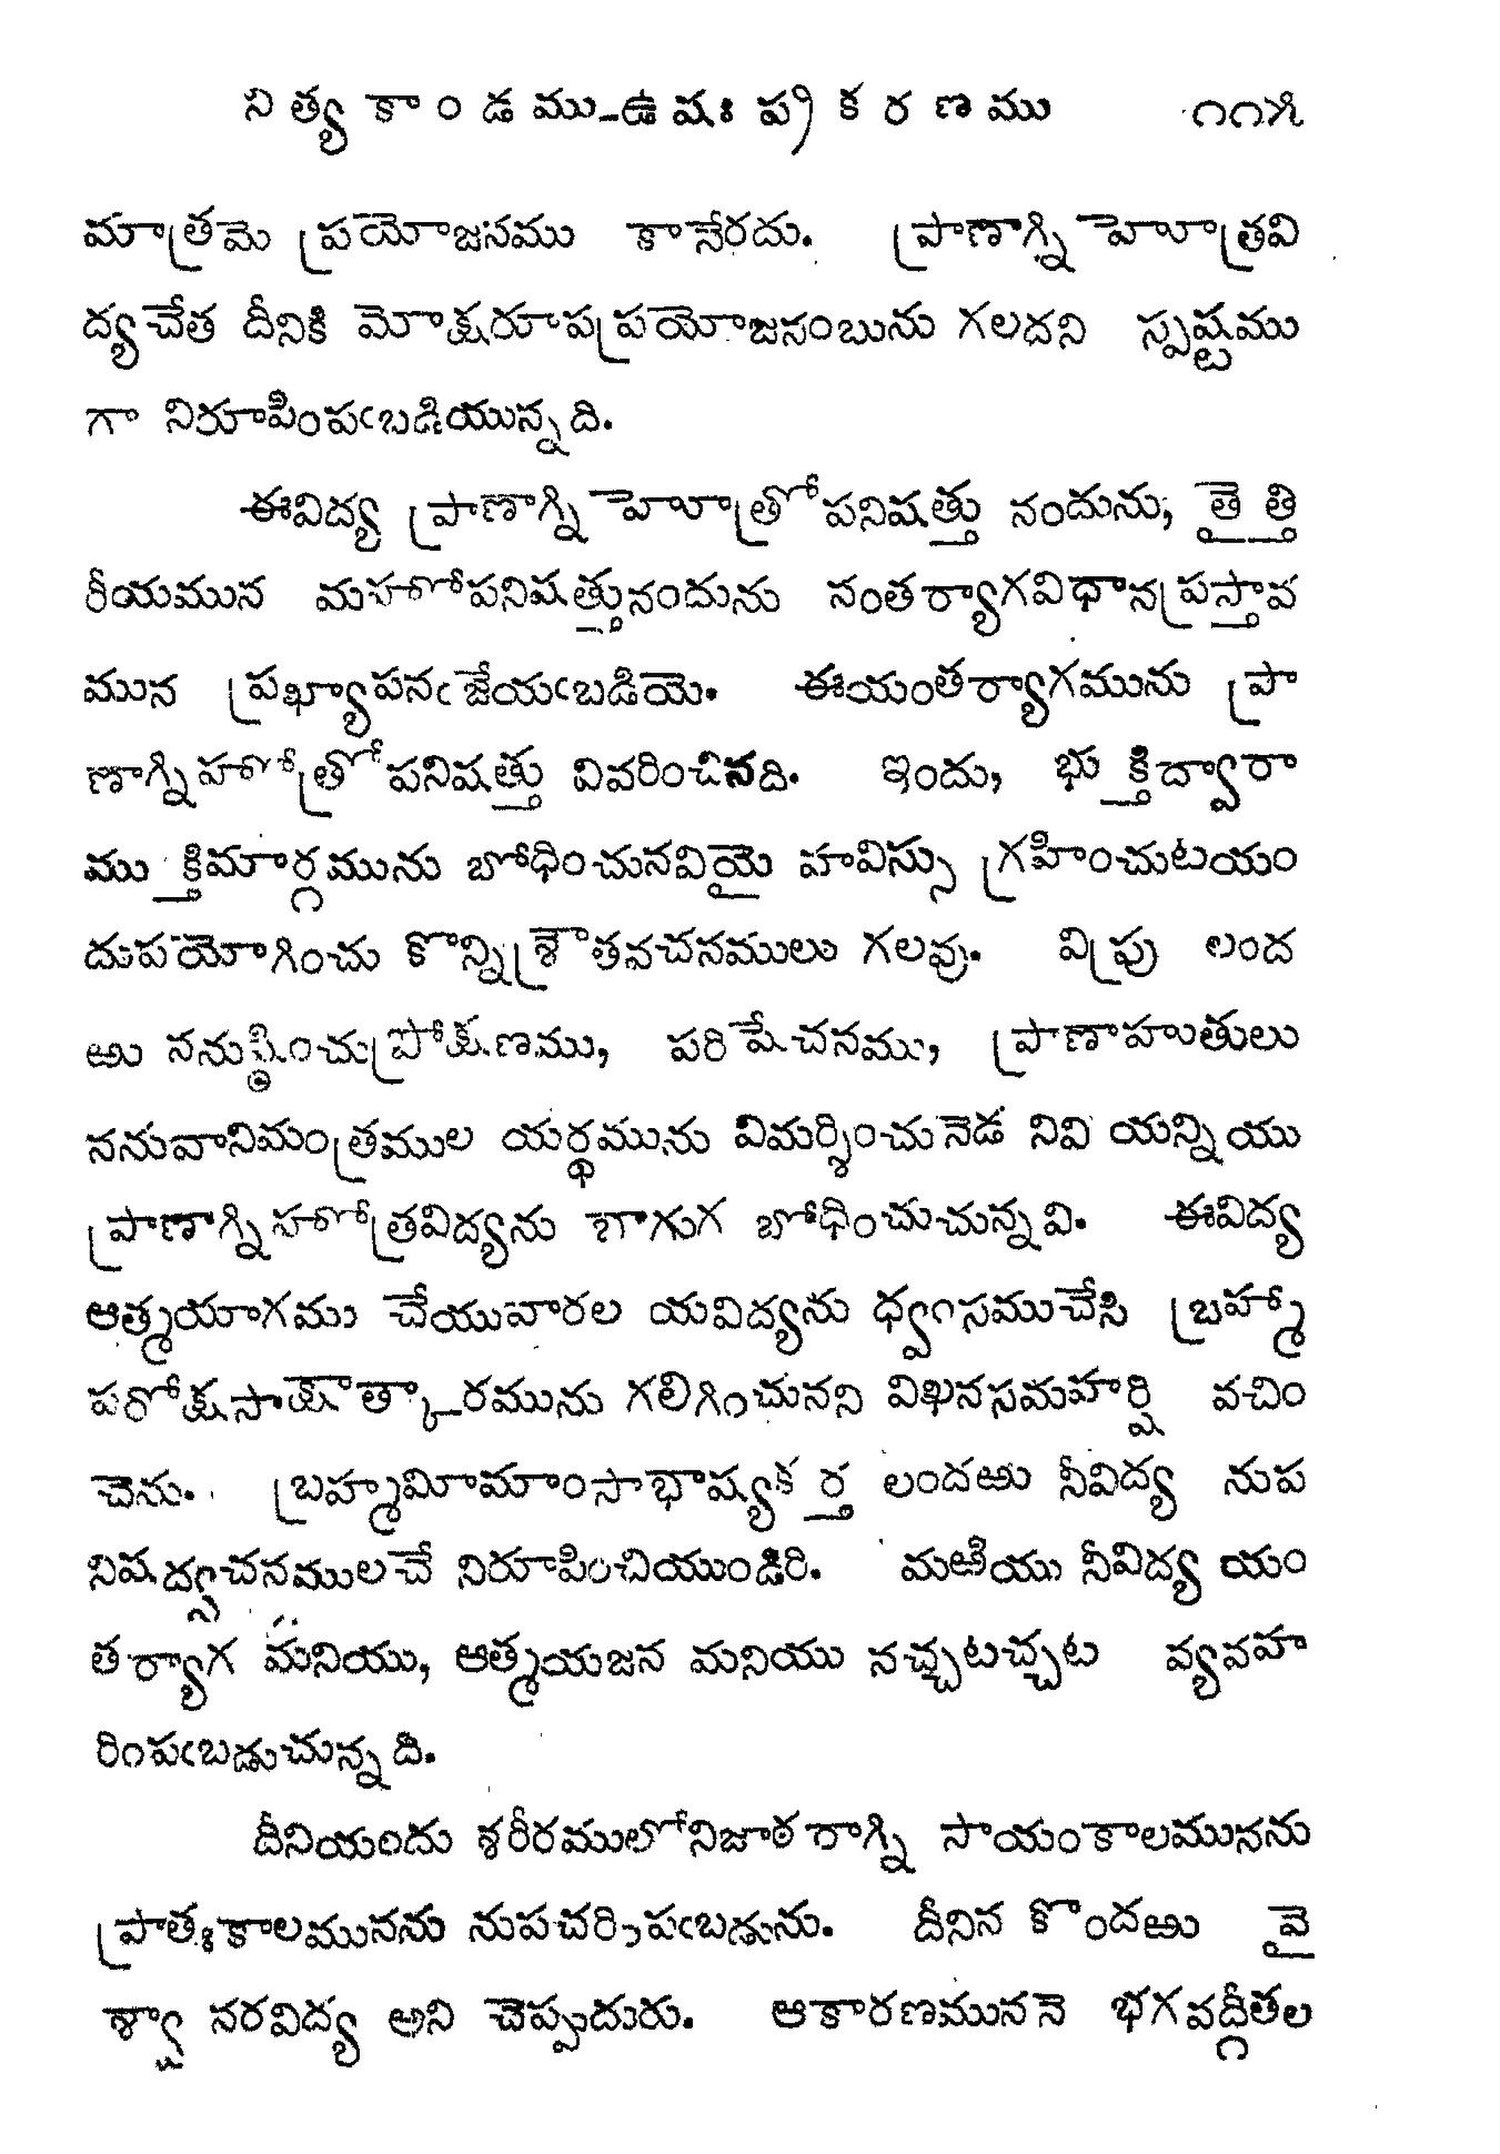మాత్రమె ప్రయోజనము కానేరదు. ప్రాణాగ్ని హెూత్రవిద్యచేత దీనికి మోక్షరూపప్రయోజనంబును గలదని స్పష్టముగా నిరూపింపఁబడియున్నది.

ఈవిద్య ప్రాణాగ్ని హెూత్రోపనిషత్తు నందును, తైత్తిరీయమున మహోపనిషత్తునందును నంతర్యాగవిధానప్రస్తావమున ప్రఖ్యాపనఁజేయఁబడియె. ఈయంతర్యాగమును ప్రాణాగ్నిహోత్రోపనిషత్తు వివరించినది. ఇందు, భుక్తిద్వారా ముక్తిమార్గమును బోధించునవియై హవిస్సు గ్రహించుటయం
దుపయోగించు కొన్నిశ్రౌతవచనములు గలవు. విప్రు లందఱు ననుష్ఠించుప్రోక్షణము, పరిషేచనము, ప్రాణాహుతులు ననువానిమంత్రముల యర్థమును విమర్శించునెడ నివి యన్నియు ప్రాణాగ్నిహోత్రవిద్యను బాగుగ బోధించుచున్నవి. ఈవిద్య ఆత్మయాగము చేయువారల యవిద్యను ధ్వంసముచేసి బ్రహ్మా
పరోక్షసాక్షాత్కారమును గలిగించునని విఖనసమహర్షి వచించెను. బ్రహ్మమీమాంసాభాష్యకర్త లందఱు నీవిద్య నుపనిషద్వచనములచే నిరూపించియుండిరి. మఱియు నీవిద్య యంతర్యాగ మనియు, ఆత్మయజన మనియు నచ్చటచ్చట వ్యవహరింపఁబడుచున్నది.

దీనియందు శరీరములోనిజాఠరాగ్ని సాయంకాలమునను ప్రాతఃకాలమునను నుపచరింపఁబడును. దీనిన కొందఱు వైశ్వా నరవిద్య అని చెప్పుదురు. ఆకారణముననె భగవద్గీతల